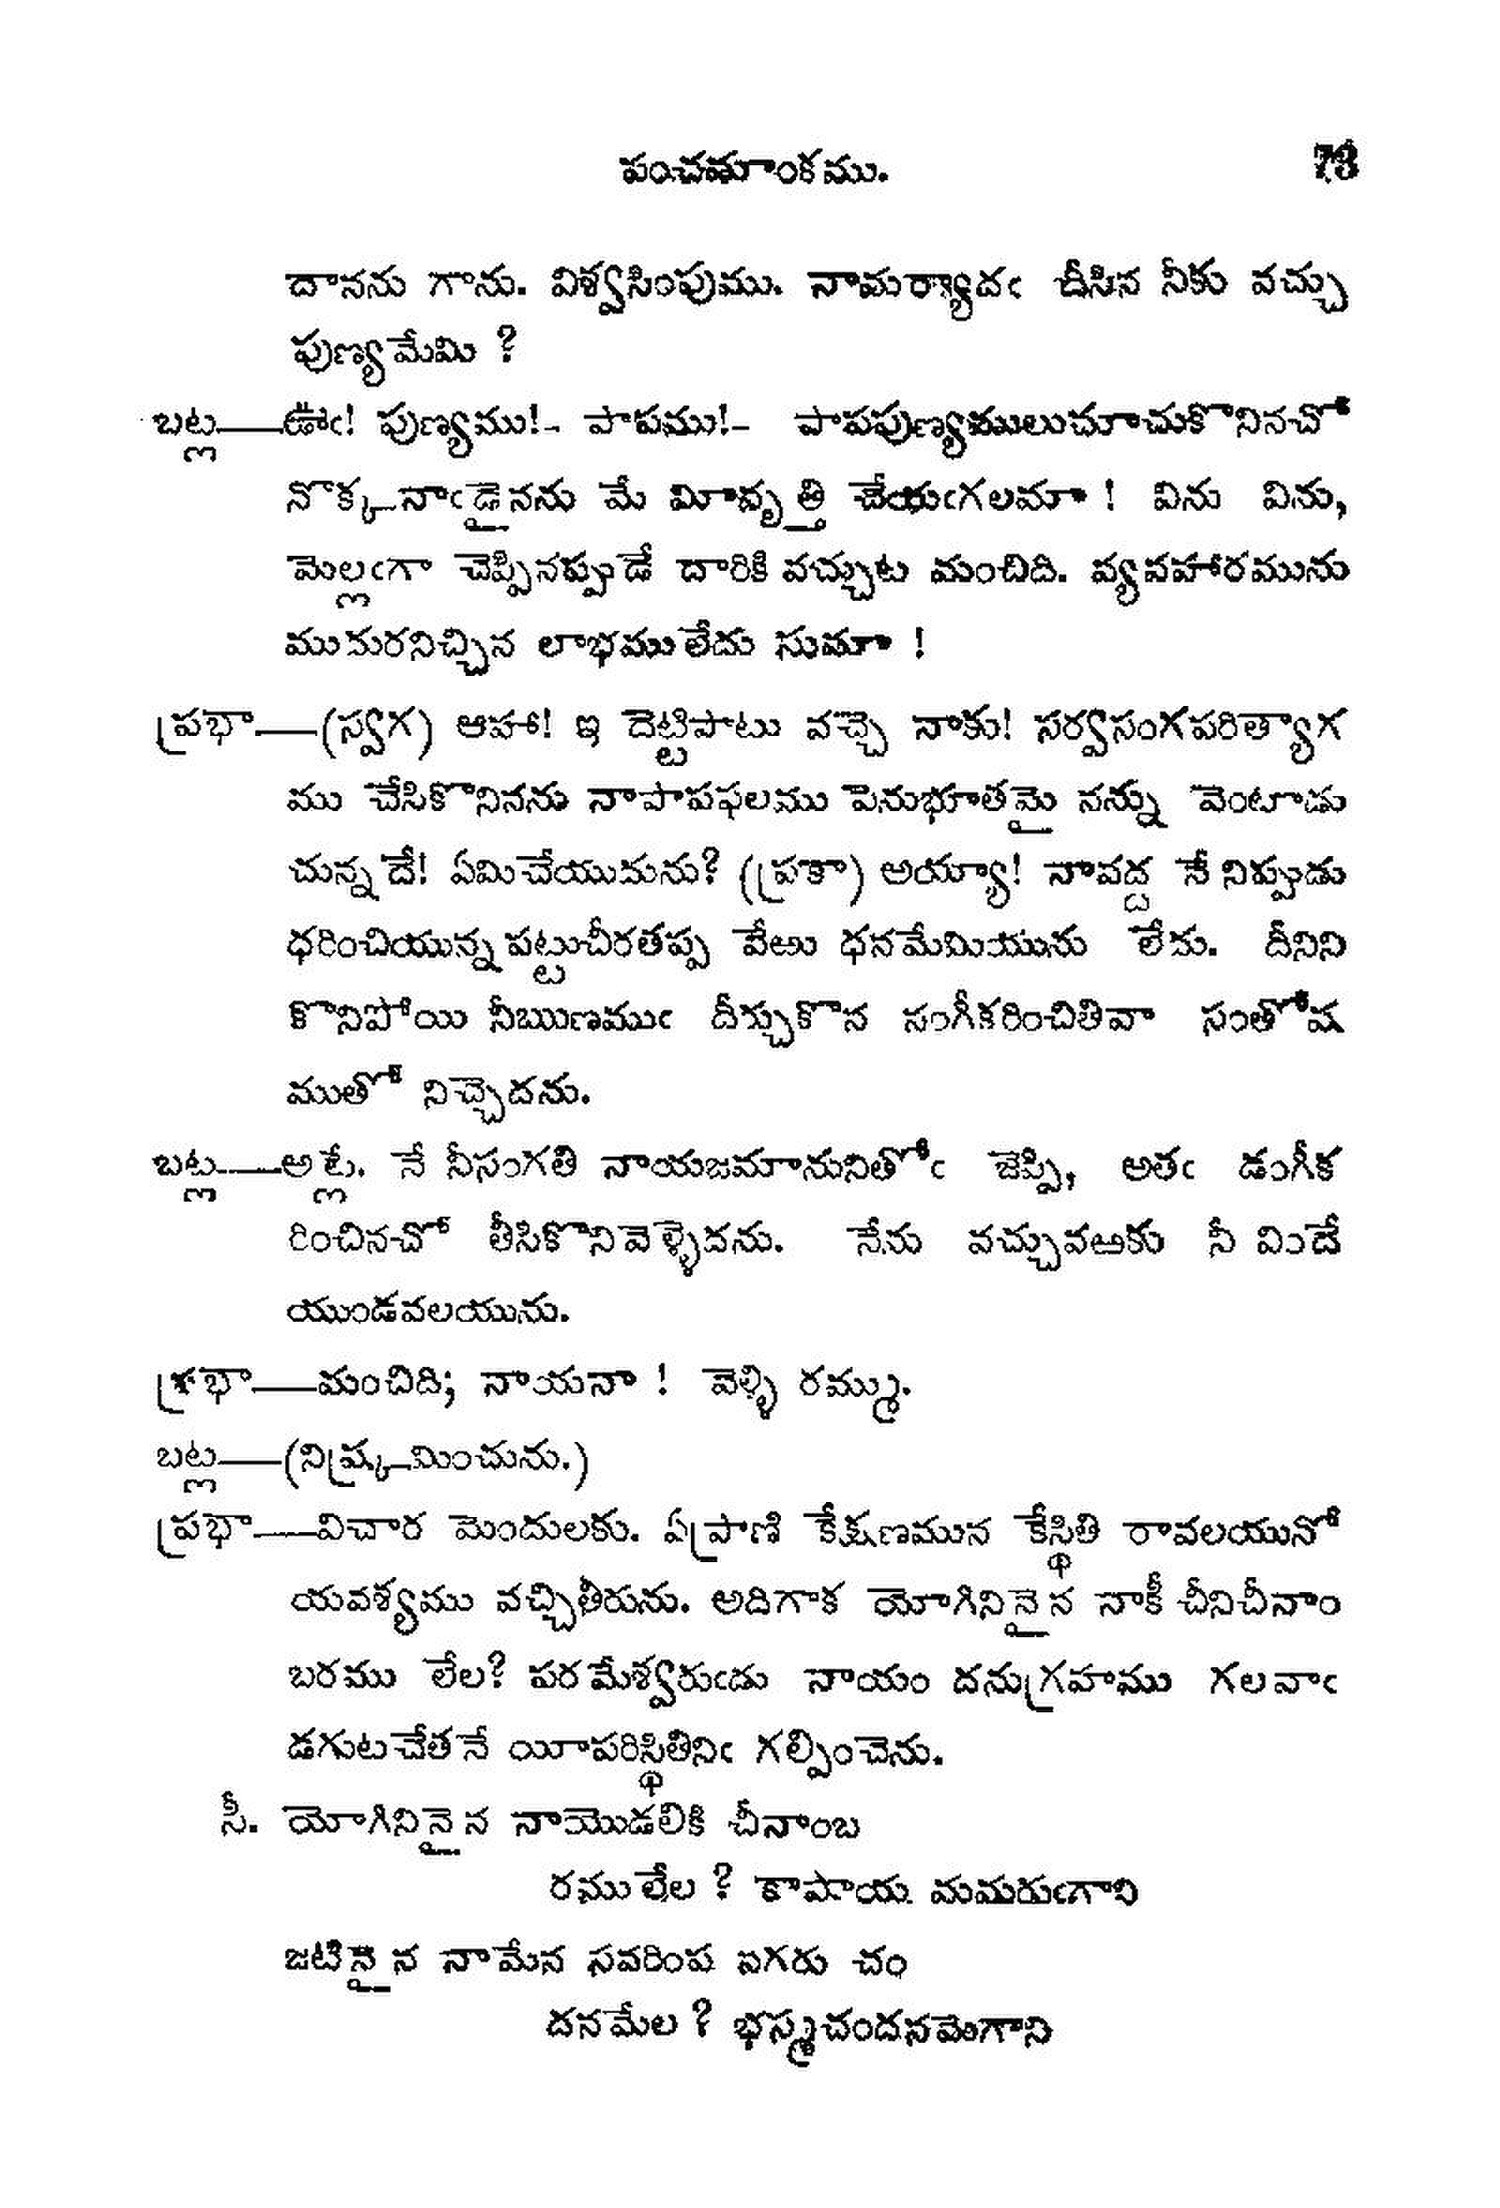దానను గాను. విశ్వసింపుము. నామర్యాదఁ దీసిన నీకు వచ్చు పుణ్యమేమి ?

బట్ల - ఊఁ! పుణ్యము!. పాపము!- పాపపుణ్యములుచూచుకొనినచో నొక్కనాఁడైనను మే మీవృత్తి చేయఁగలమా ! విను విను, మెల్లఁగా చెప్పినప్పుడే దారికి వచ్చుట మంచిది. వ్యవహారమును
ముదురనిచ్చిన లాభములేదు సుమా!

ప్రభా - (స్వగ) ఆహా! ఇ దెట్టిపాటు వచ్చె నాకు! సర్వసంగపరిత్యాగము చేసికొనినను నాపాపఫలము పెనుభూతమై నన్ను వెంటాడు చున్నదే! ఏమి చేయుదును? (ప్రకా) అయ్యా! నావద్ద నే నిప్పుడు
ధరించియున్నపట్టుచీరతప్ప వేఱు ధనమేమియును లేదు. దీనిని కొనిపోయి నీఋణముఁ దీర్చుకొన నంగీకరించితివా సంతోషముతో నిచ్చెదను.

బట్ల - అట్లే. నే నీసంగతి నాయజమానునితోఁ జెప్పి, అతఁ డంగీకరించినచో తీసికొనివెళ్ళెదను. నేను వచ్చువఱకు నీ విందే యుండవలయును.

ప్రభా - మంచిది; నాయనా ! వెళ్ళి రమ్ము,

బట్ల - (నిష్క్రమించును.)

ప్రభా - విచార మెందులకు. ఏప్రాణి కేక్షణమున కేస్థితి రావలయునో యవశ్యము వచ్చితీరును. అదిగాక యోగినినైన నాకీ చీనిచీనాంబరము లేల? పరమేశ్వరుఁడు నాయం దనుగ్రహము గలవాఁడగుట చేతనే యీపరిస్థితినిఁ గల్పించెను.

సీ. యోగినినైన నాయొడలికి చీనాంబ
 రములేల? కాషాయ. మమరుఁగాని
 జటినైన నామేన సవరింప సగరు చం
 దనమేల? భస్మచందనమేగాని